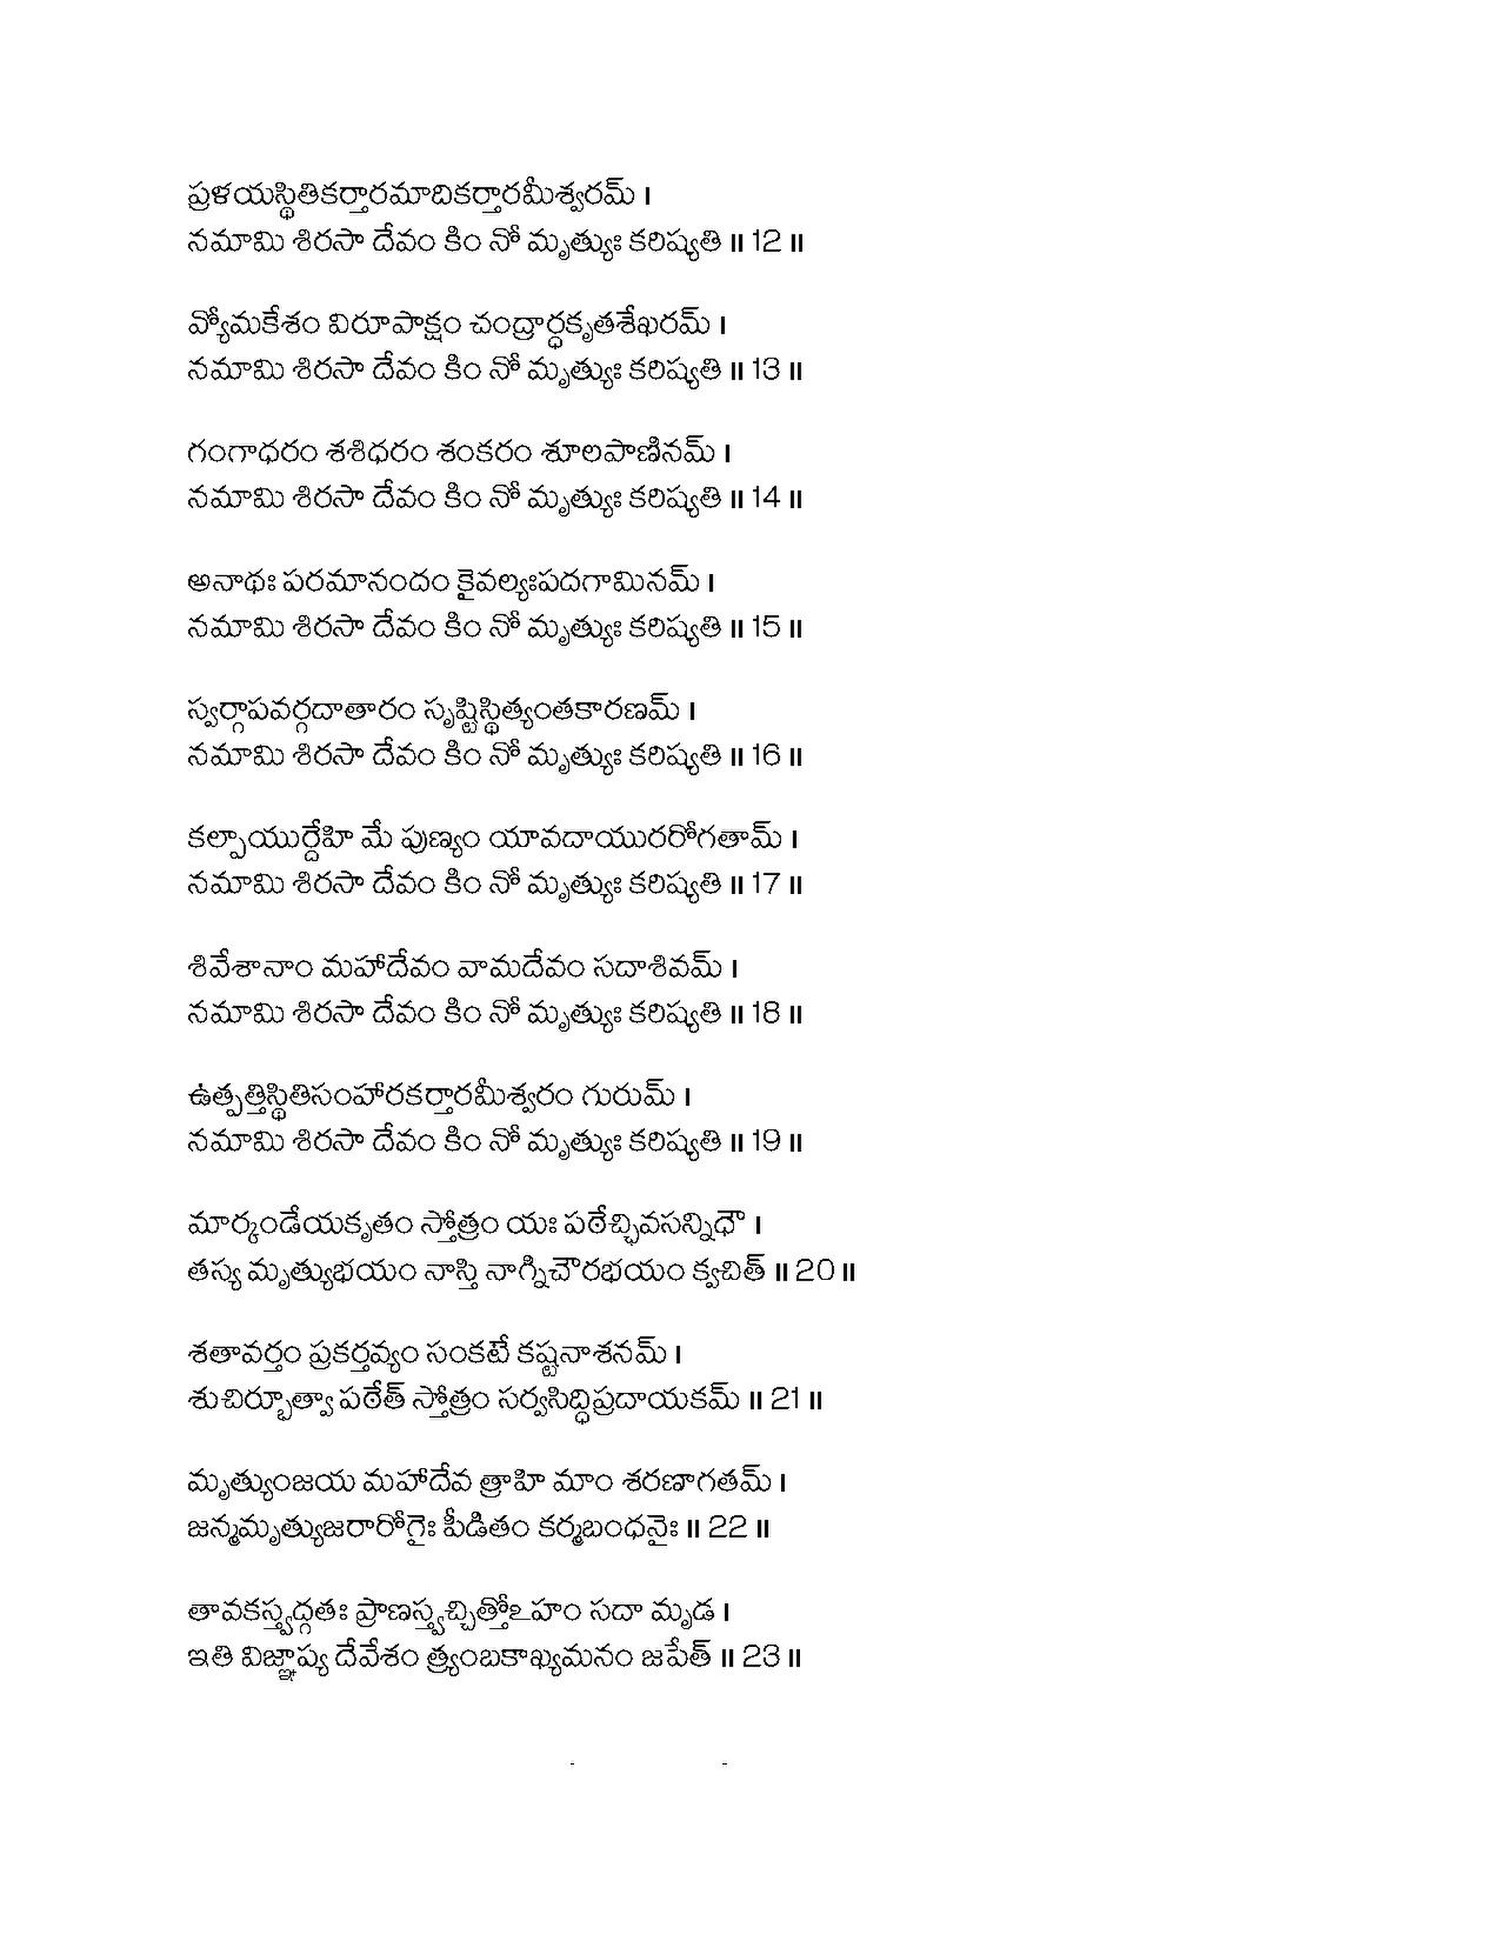ప్రళయ స్థితికర్తారమాదికర్తారమీశ్వరమ్ |
నమామి శిరసా దేవం కిం నో మృత్యుః కరిష్యతి || 12 ||

వ్యోమకేశం విరూపాక్షం చంద్రార్ధకృతశేఖరమ్ |
నమామి శిరసా దేవం కిం నో మృత్యుః కరిష్యతి || 13 ||

గంగాధరం శశిధరం శంకరం శూలపాణినమ్ |
నమామి శిరసా దేవం కిం నో మృత్యుః కరిష్యతి || 14 ||

అనాథః పరమానందం కైవల్యఃపదగామినమ్ |
నమామి శిరసా దేవం కిం నో మృత్యుః కరిష్యతి || 15 ||

స్వర్గాపవర్గదాతారం సృష్టిస్థిత్యంత కారణమ్ |
నమామి శిరసా దేవం కిం నో మృత్యుః కరిష్యతి || 16 ||

కల్పాయుర్దేహి మే పుణ్యం యావదాయురరోగతామ్ |
నమామి శిరసా దేవం కిం నో మృత్యుః కరిష్యతి || 17 ||

శివేశానాం మహాదేవం వామదేవం సదాశివమ్ |
నమామి శిరసా దేవం కిం నో మృత్యుః కరిష్యతి || 18 ||

ఉత్పత్తి స్థితిసంహారకర్తారమీశ్వరం గురుమ్
నమామి శిరసా దేవం కిం నో మృత్యుః కరిష్యతి || 19 ||

మార్కండేయకృతం స్తోత్రం యః పఠేచ్ఛివసన్నిధౌ |
తస్య మృత్యుభయం నాస్తి నాగ్నిచౌరభయం క్వచిత్ || 20 ||

శతావర్తం ప్రకర్తవ్యం సంకటే కష్టనాశనమ్ |
శుచిర్భూత్వా పఠేత్ స్తోత్రం సర్వసిద్ధిప్రదాయకమ్ || 21 ||

మృత్యుంజయ మహాదేవ త్రాహి మాం శరణాగతమ్ |
జన్మమృత్యుజరారోగైః పీడితం కర్మబంధనైః || 22 ||

తావకస్త్వద్గతః ప్రాణస్త్వచ్చిత్తో౽హం సదా మృడ |
ఇతి విజ్ఞాప్య దేవేశం త్య్రంబకాఖ్యమనం జపేత్ || 23 ||